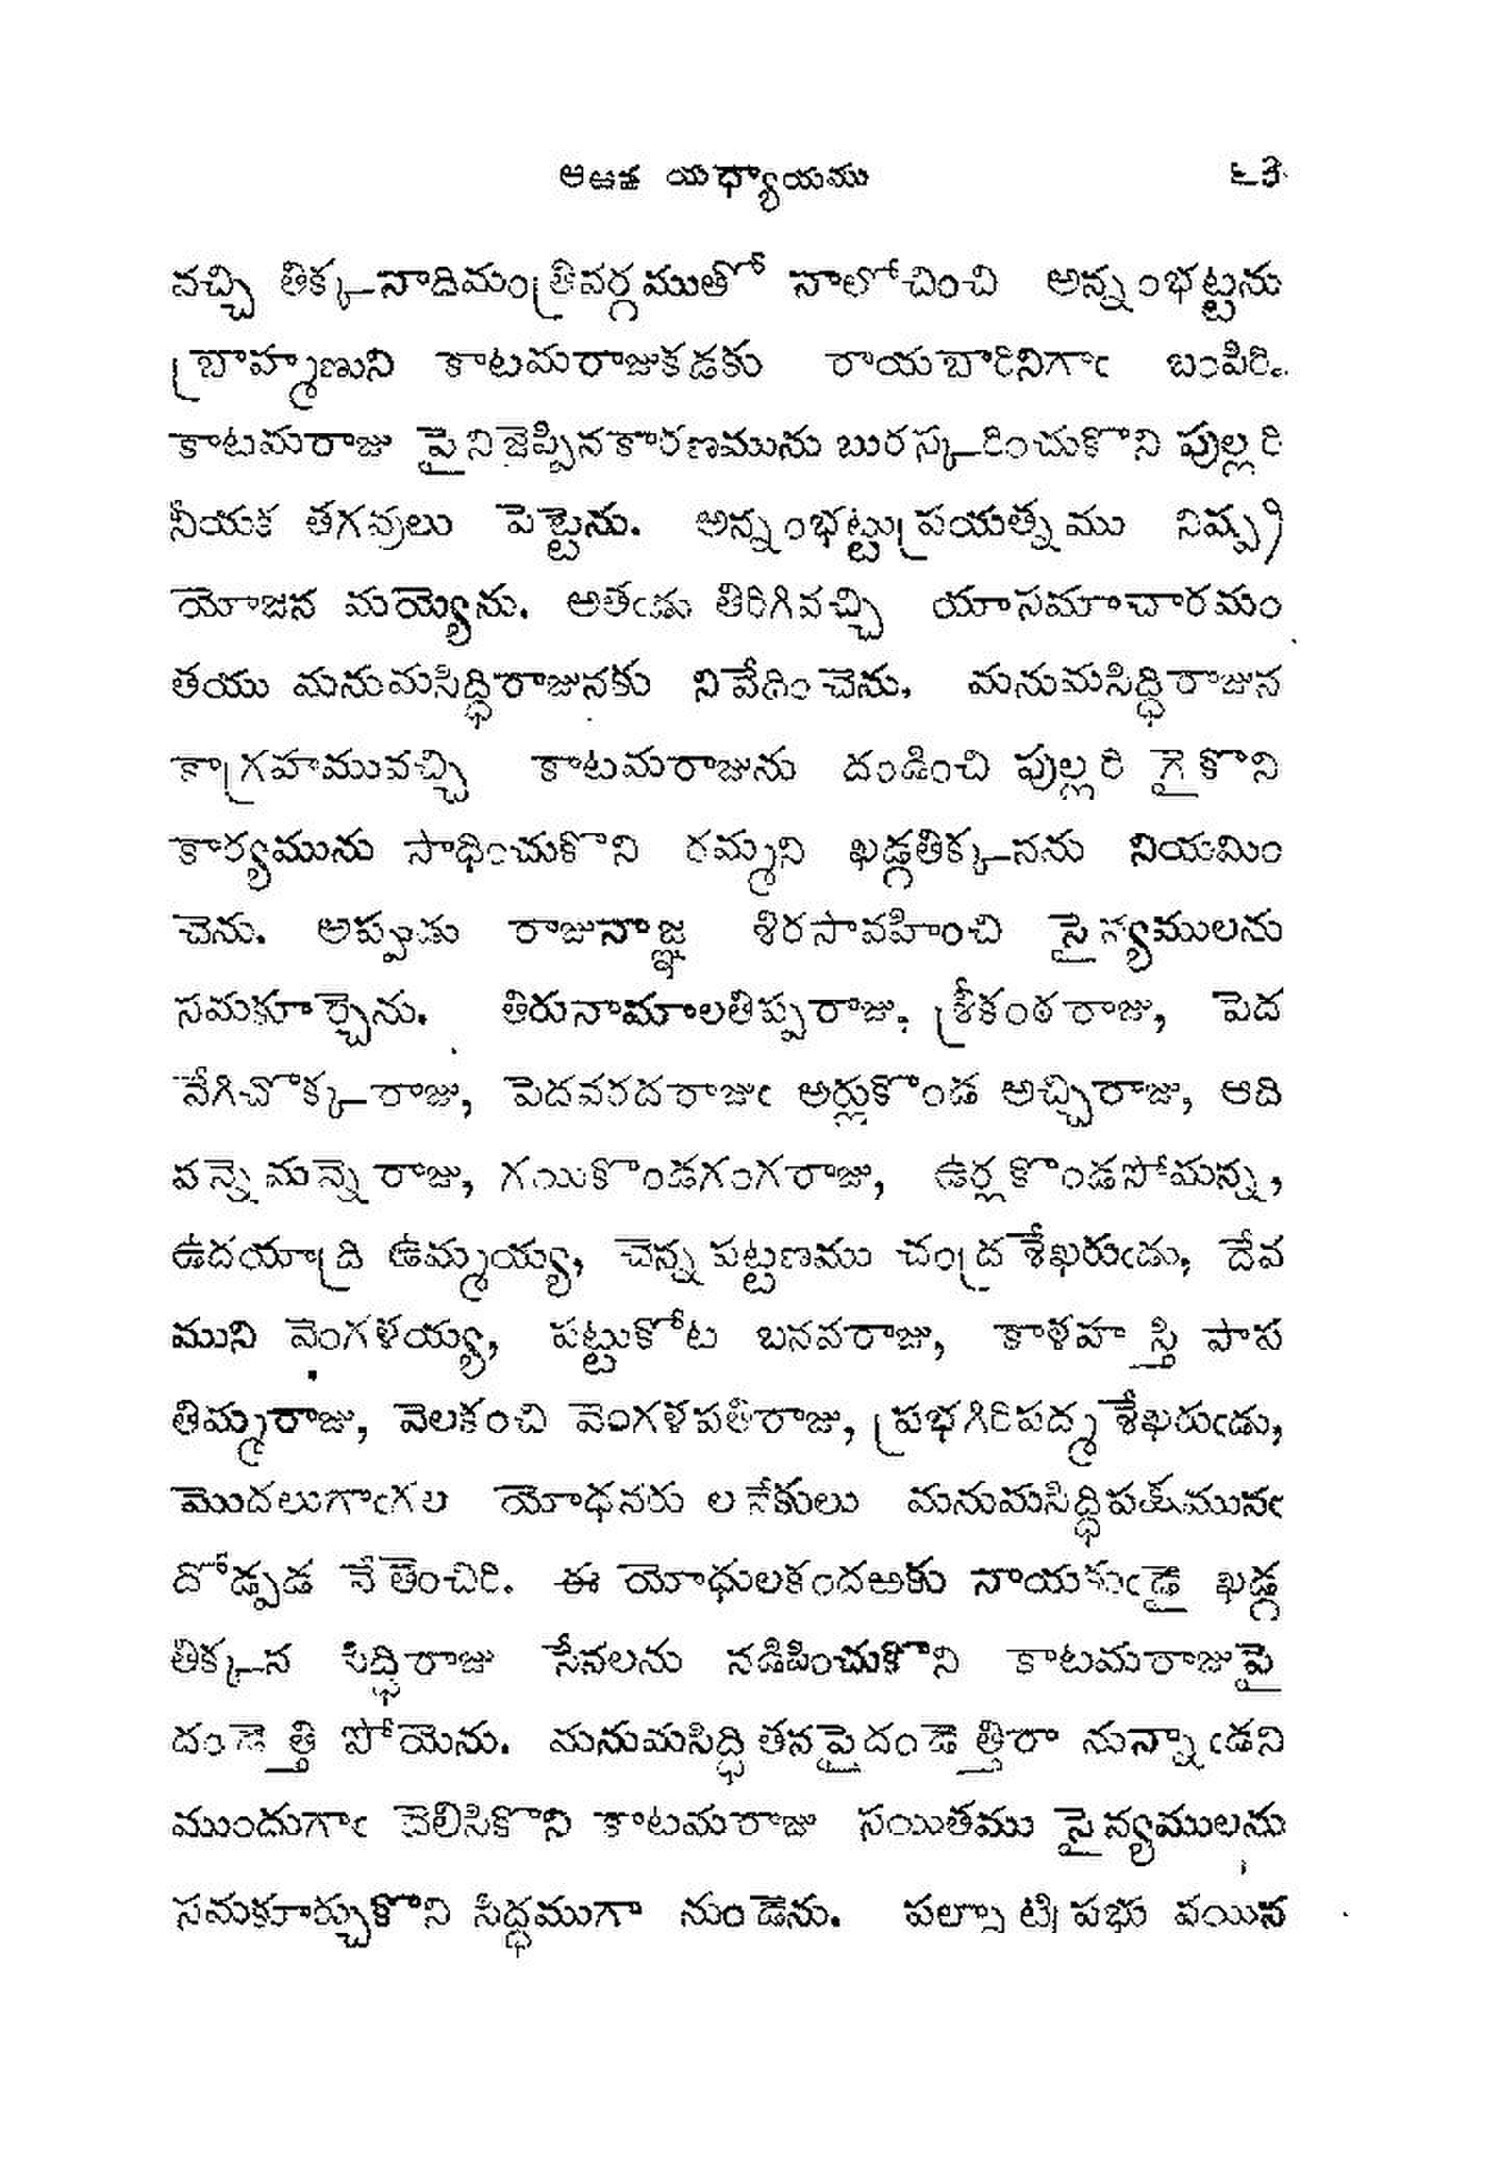వచ్చి తిక్కనాదిమంత్రివర్గముతో నాలోచించి అన్నంభట్టను బ్రాహ్మణుని కాటమరాజుకడకు రాయబారినిగాఁ బంపిరి. కాటమరాజు పైనిజెప్పినకారణమును బురస్కరించుకొని పుల్లరి నీయక తగవులు పెట్టెను. అన్నంభట్టుప్రయత్నము నిష్క్రయోజన మయ్యెను. అతఁడు తిరిగివచ్చి యాసమాచారమంతయు మనుమసిద్ధిరాజునకు నివేదించెను. మనుమసిద్ధిరాజున కాగ్రహమువచ్చి కాటమరాజును దండించి పుల్లరి గైకొని కార్యమును సాధించుకొని రమ్మని ఖడ్గతిక్కనను నియమించెను. అప్పుడు రాజునాజ్ఞ శిరసావహించి సైన్యములను సమకూర్చెను. తిరునామాలతిప్పరాజు. శ్రీకంఠరాజు, పెదనేగిచొక్కరాజు, పెదవరదరాజుఁ అర్లుకొండ అచ్చిరాజు, ఆదివన్నెమన్నెరాజు, గయికొండగంగరాజు, ఉర్లకొండసోమన్న , ఉదయాద్రి ఉమ్మయ్య, చెన్నపట్టణము చంద్ర శేఖరుఁడు, దేవముని వెంగళయ్య, పట్టుకోట బసవరాజు, కాళహస్తి పాపతిమ్మరాజు, వెలకంచి వెంగళపతిరాజు, ప్రభగిరిపద్మశేఖరుఁడు, మొదలుగాఁగల యోధవరు లనేకులు మనుమసిద్దిపక్షమునఁ దోడ్పడ నేతెంచిరి. ఈ యోధులకందఱకు నాయకుఁడై ఖడ్గతిక్కన సిద్దిరాజు సేనలను నడిపించుకొని కాటమరాజుపై దండెత్తి పోయెను. మనుమసిద్ధితనపైదండెత్తిరా నున్నాఁడని ముందుగాఁ దెలిసికొని కాటమరాజు సయితము సైన్యములను సమకూర్చుకొని సిద్ధముగా నుండెను. పల్నాటిప్రభు వయిన